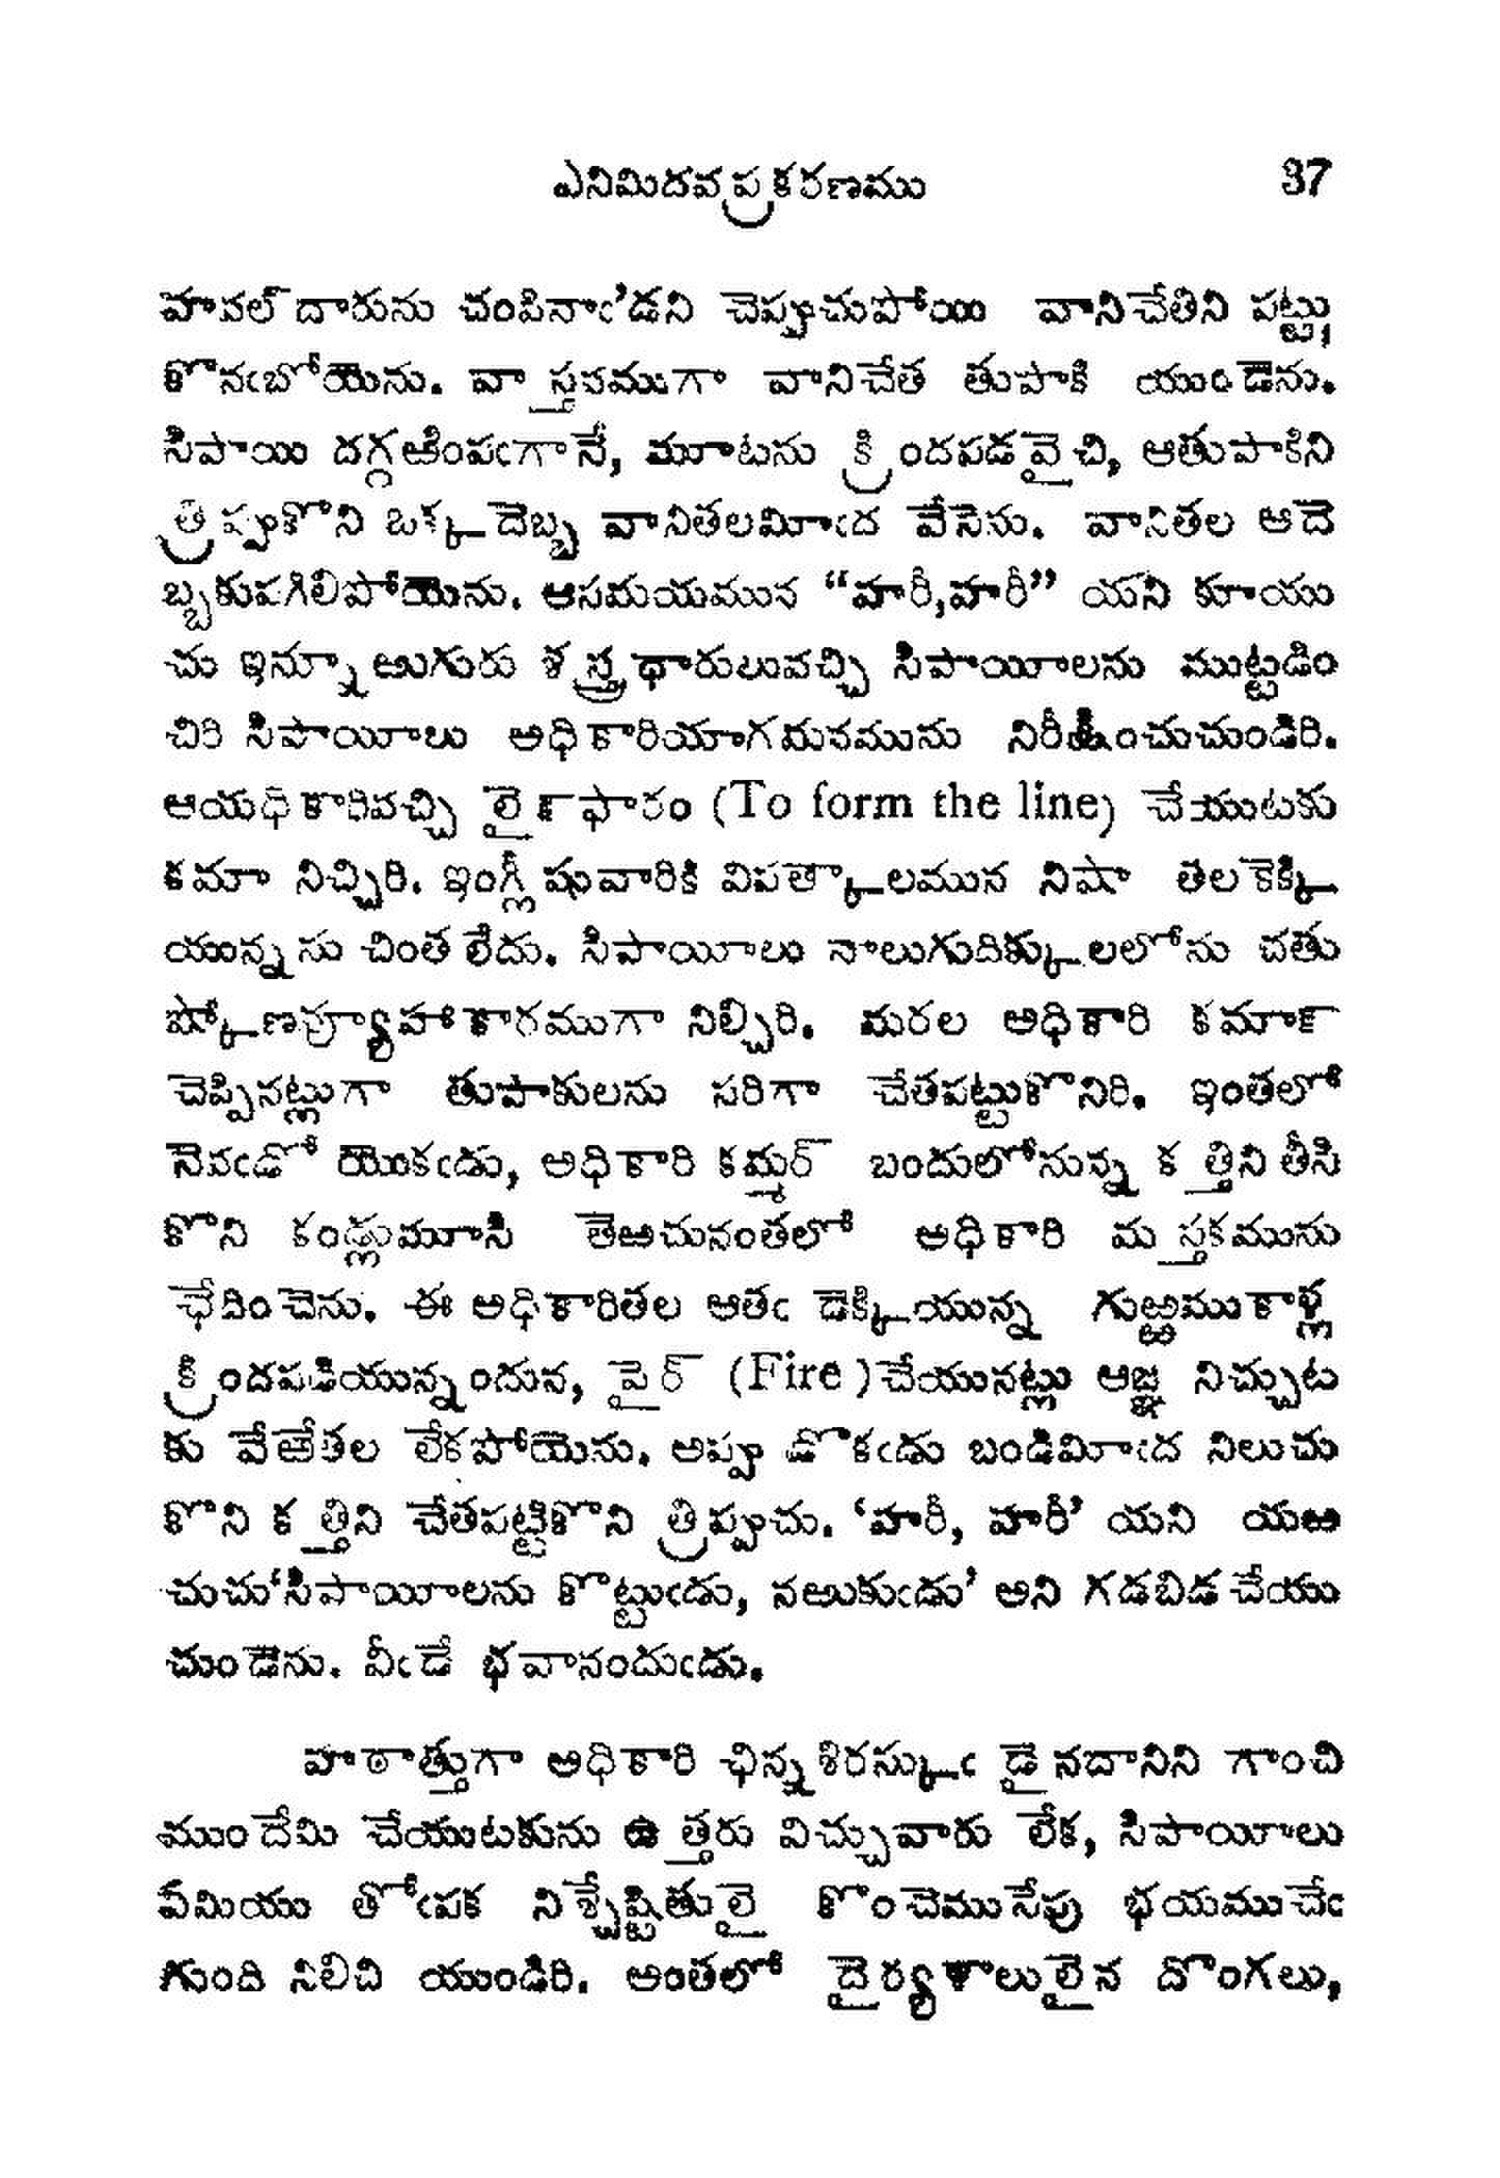హవల్ దారును చంపినాఁ డని చెప్పుచుపోయి వాని చేతిని పట్టుకొనఁబోయెను. వాస్తవముగా వానిచేత తుపాకి యుండెను. సిపాయి దగ్గఱింపఁగానే, మూటను క్రిందపడవైచి, ఆతుపాకిని త్రిప్పుకోని ఒక్క దెబ్బ వానితలమీఁద వేసెను. వానితల ఆదేబ్బకుపగిలిపోయెను. ఆ సమయమున “హరీ,హరీ” యని కూయుచు ఇన్నూఱుగురు శస్త్ర ధారులు వచ్చి సిపాయీలను ముట్టడించిరి సిపాయీలు అధికారియాగమనమును నిరీక్షించుచుండిరి. ఆయధికారివచ్చి లై౯ ఫారం (To form the line) చేయుటకు కమా నిచ్చిరి. ఇంగ్లీషువారికి విపత్కాలమున నిషా తల కెక్కి యున్నసు చింత లేదు. సిపాయీలు నాలుగుదిక్కులలోను చతుష్కోణవ్యూహాకారముగా నిల్చిరి. మరల అధికారి కమా౯ చెప్పినట్లుగా తుపాకులను సరిగా చేతపట్టుకొనిరి. ఇంతలో నెవఁడో యొకఁడు, అధికారి కమ్మర్ బందులోనున్న కత్తిని తీసి
కొని కండ్లుమూసి తెఱచునంతలో అధికారి మస్తకమును ఛేదించెను, ఈ అధికారితల ఆతఁ డెక్కియున్న గుఱ్ఱము కాళ్ల క్రిందపడి యున్నందున, పైర్ (Fire) చేయునట్లు ఆజ్ఞ నిచ్చుటకు వేఱేతల లేకపోయెను. అప్పుడొకఁడు బండిమీఁద నిలుచుకోని కత్తిని చేతపట్టీకొని త్రిప్పుచు. 'హరీ, హరి' యని యఱచుచు సిపాయీలను కొట్టుఁడు, నఱుకుఁడు' అని గడబిడ చేయుచుండెను, వీఁడే భవానందుఁడు.

హఠాత్తుగా అధికారి ఛిన్న శిరస్కుఁడై నదానిని గాంచి ముందేమి చేయుటకును ఉత్తరు విచ్చువారు లేక, సిపాయీలు ఏమియు తోఁపక నిశ్చేష్టితులై కొంచెము సేపు భయముచేఁ గుంది నిలిచి యుండిరి. అంతలో దైర్యశాలులైన దొంగలు,